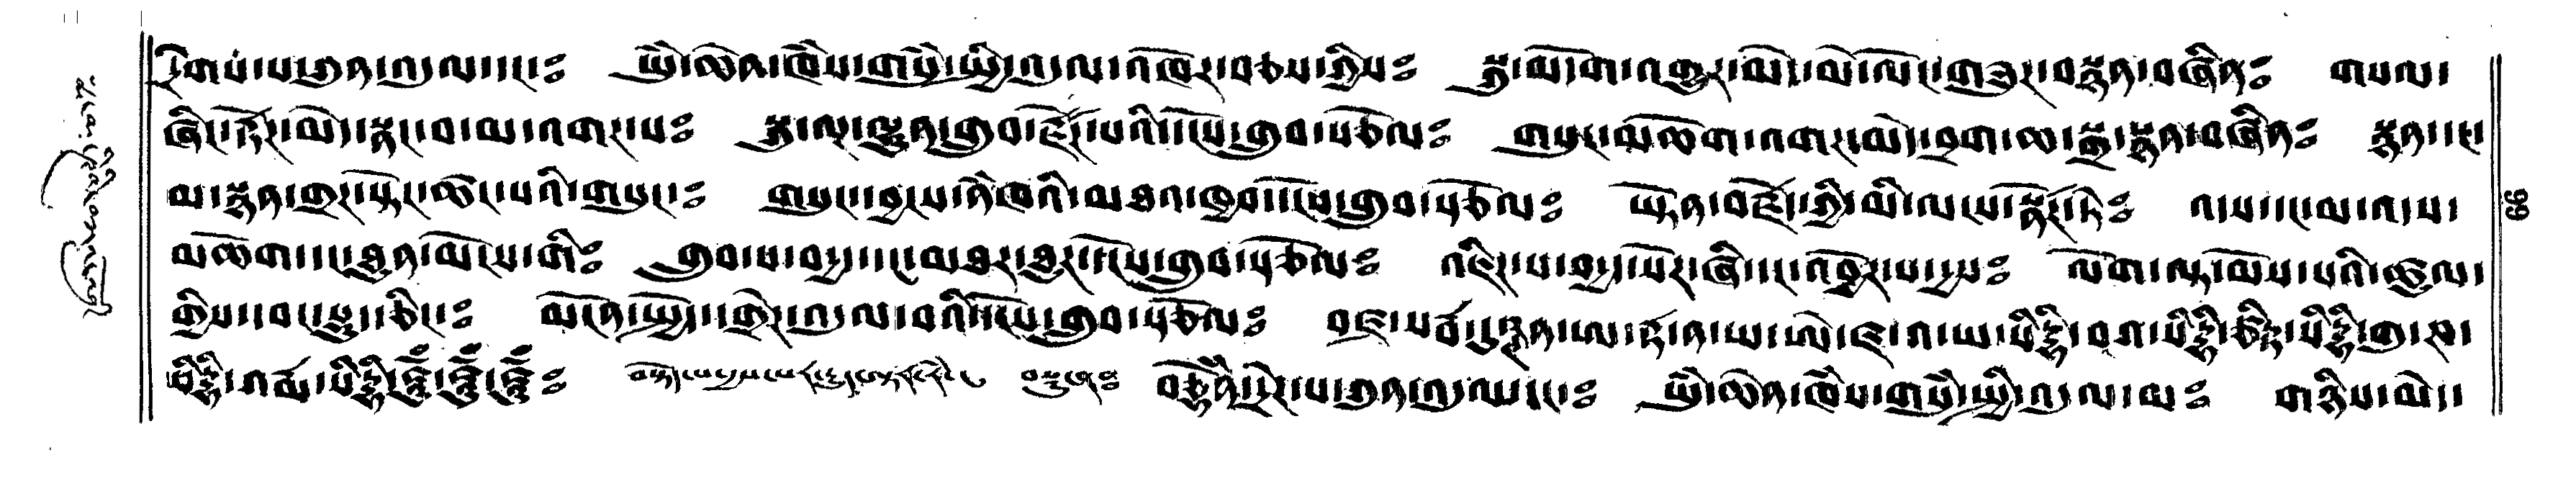དྲེགས་པ་ཀུན་འདུལ་དང་ཿ ཡུམ་ཆེན་ཁམས་གསུམ་སྤྱི་འདུལ་འཁོར་བཅས་ཀྱིསཿ སྐུ་མདོག་འགྱུར་མེད་མེ་ལོང་གཟུགས་བརྙན་བཞིནཿ གསལ་
ཞིང་རྟོག་མེད་སྣང་བ་མ་འགགས་པཿ སྐུ་ལྔ་ལྷུན་གྲུབ་རྫོགས་པའི་དངོས་གྲུབ་སྩོལཿ གསུང་མཆོག་འགག་མེད་བྲག་ཆ་སྒྲ་བརྙན་བཞིནཿ སྙན་དང་
མི་སྙན་གྲགས་སྟོང་ཚངས་པའི་གསུང་ཿ གསུང་དབྱངས་ནམ་མཁའི་མཐའ་ཁྱབ་དངོས་གྲུབ་སྩོལཿ ཡོན་ཏན་བརྗོད་ཀྱིས་མི་ལངས་སྣ་ཚོགས་ཏེཿ འདས་དང་མ་འདས་
མཆོག་དང་ཐུན་མོང་གིཿ གྲུབ་པ་བརྒྱད་དང་མཐར་ཐུག་དངོས་གྲུབ་སྩོལཿ འཇིགས་པ་བརྒྱ་ཞི་དང་འབྱོར་པ་རྒྱས་ ལོག་ལྟ་མོས་པའི་ཚུལ་
གྱིས་དབང་སྡུད་ཅིང་ མངོན་སྤྱོད་གྲོགས་འདུལ་བའི་ བཛྲ་སརྦ་དུཥྚན་ཨརྟ་ན་ཡ་ཨེ་ཛ་ཀ་ཡ་སིདྡྷི་བཱཀ་སིདྡྷི་ཙིཏྟ་སིདྡྷི་གུ་ཎ་
སིདྡྷི་ཀརྨ་སིདྡྷི་ཧཱུྃ་ཧཱུྃ་ཧཱུྃཿ བསྟོད་པ་རྒྱས་པར་རྒྱུད་ལྟར་རམ། བསྡུ་ནཿ བཅོམ་ལྡན་དྲེགས་པ་ཀུན་འདུལ་དང༔ ཡུམ་ཆེན་ཁམས་གསུམ་སྤྱི་འདུལ་མཿ གཉིས་མེད་